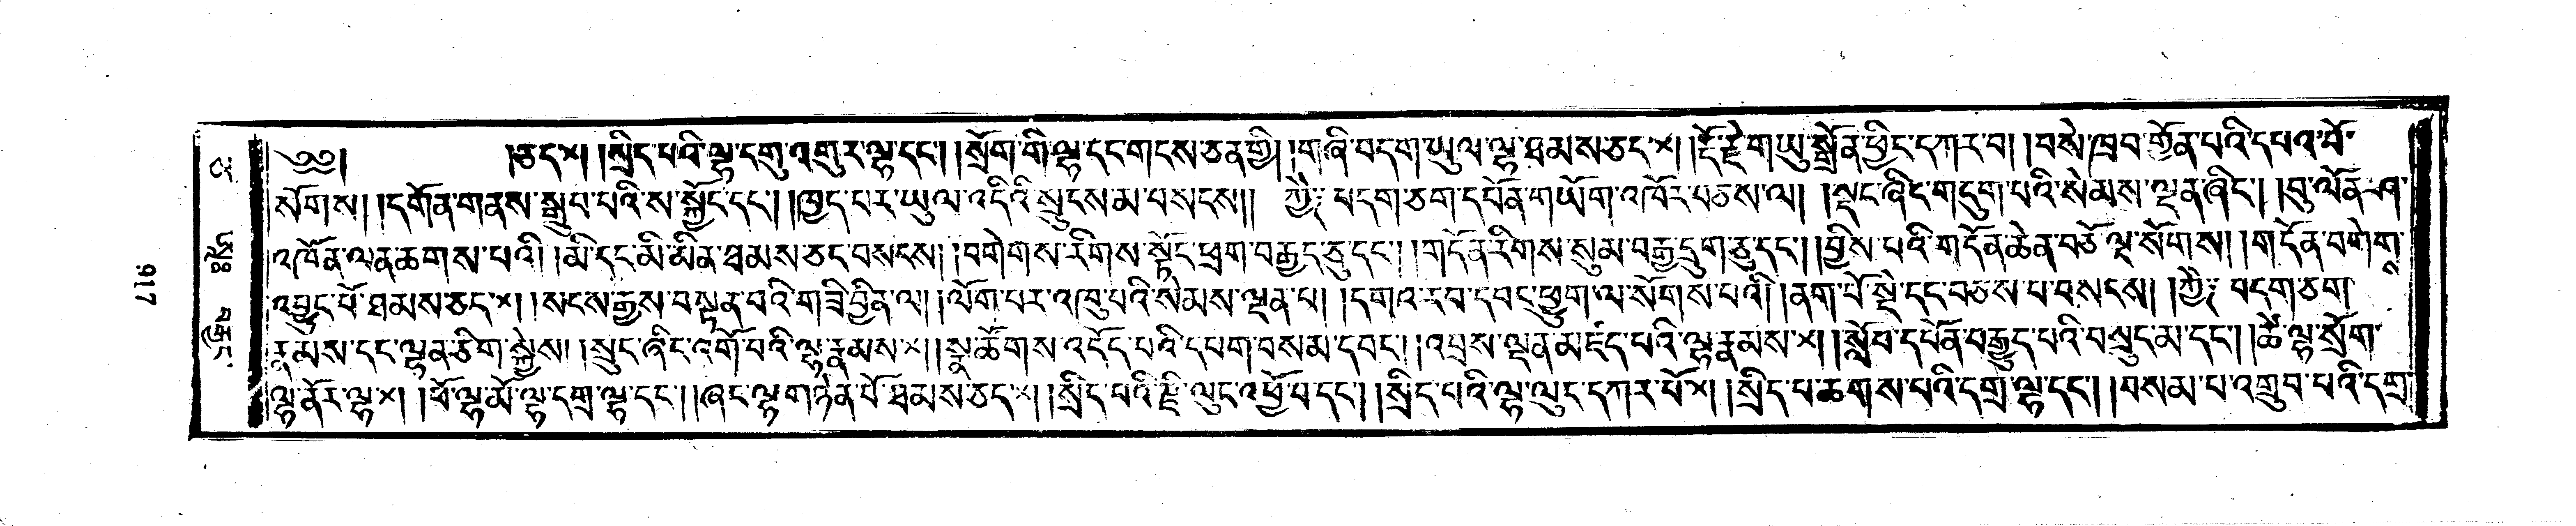༄༅། །ཅད་྾། །སྲིད་པའི་ལྷ་དགུ་འགུར་ལྷ་དང་། །སྲོག་གི་ལྷ་དང་གངས་ཅན་གྱི། །གཞི་བདག་ཡུལ་ལྷ་ཐམས་ཅད་྾། །རྡོ་རྗེ་གཡུ་སྒྲོན་ཕྱིད་དཀར་བ། །བསེ་ཁྲབ་གྱོན་པའི་དཔའ་བོ་
སོགས། །དགོན་གནས་སྒྲུབ་པའི་ས་སྐྱོང་དང་། །ཁྱད་པར་ཡུལ་འདིའི་སྲུངས་མ་བསངས།། ཀྱཻ༑ བདག་ཅག་དཔོན་གཡོག་འཁོར་བཅས་ལ། །སྡང་ཞིང་གདུག་པའི་སེམས་ལྡན་ཞིང་། །བུ་ལོན་ཤ་
འཁོན་ལན་ཆགས་པའི། །མི་དང་མི་མིན་ཐམས་ཅད་བསངས། །བགེགས་རིགས་སྟོང་ཕྲག་བརྒྱད་ཅུ་དང་། །གདོན་རིགས་སུམ་བརྒྱ་དྲུག་ཅུ་དང་། །བྱིས་པའི་གདོན་ཆེན་བཅོ་ལྔ་སོགས། །གདོན་བགེགས་
འབྱུང་པོ་ཐམས་ཅད་྾། །སངས་རྒྱས་བསྟན་པའི་གཟི་བྱིན་ལ། །ལོག་པར་འཁུ་བའི་སེམས་ལྡན་པ། །དགའ་རབ་དབང་ཕྱུག་ལ་སོགས་པའི། །ནག་པོ་སྡེ་དང་བཅས་པ་བསངས། །ཀྱཻ༑ བདག་ཅག་
རྣམས་དང་ལྷན་ཅིག་སྐྱེས། །སྲུང་ཞིང་འགོ་བའི་ལྷ་རྣམས་྾། །སྣ་ཚོགས་འདོད་པའི་དཔག་བསམ་དབང་། །འབྲས་ལྡན་མཛད་པའི་ལྷ་རྣམས་྾། །སློབ་དཔོན་བརྒྱུད་པའི་བསྲུང་མ་དང་། །ཚེ་ལྷ་སྲོག་
ལྷ་ནོར་ལྷ་྾། །ཕོ་ལྷ་མོ་ལྷ་དགྲ་ལྷ་དང་། །ཞང་ལྷ་གཉེན་པོ་ཐམས་ཅད་྾། །སྲིད་པའི་རྫི་ལུང་འཕྱོ་བ་དང་། །སྲིད་པའི་ལྷ་ལུང་དཀར་པོ་྾། །སྲིད་པ་ཆགས་པའི་དགྲ་ལྷ་དང་། །བསམ་པ་འགྲུབ་པའི་དགྲ་